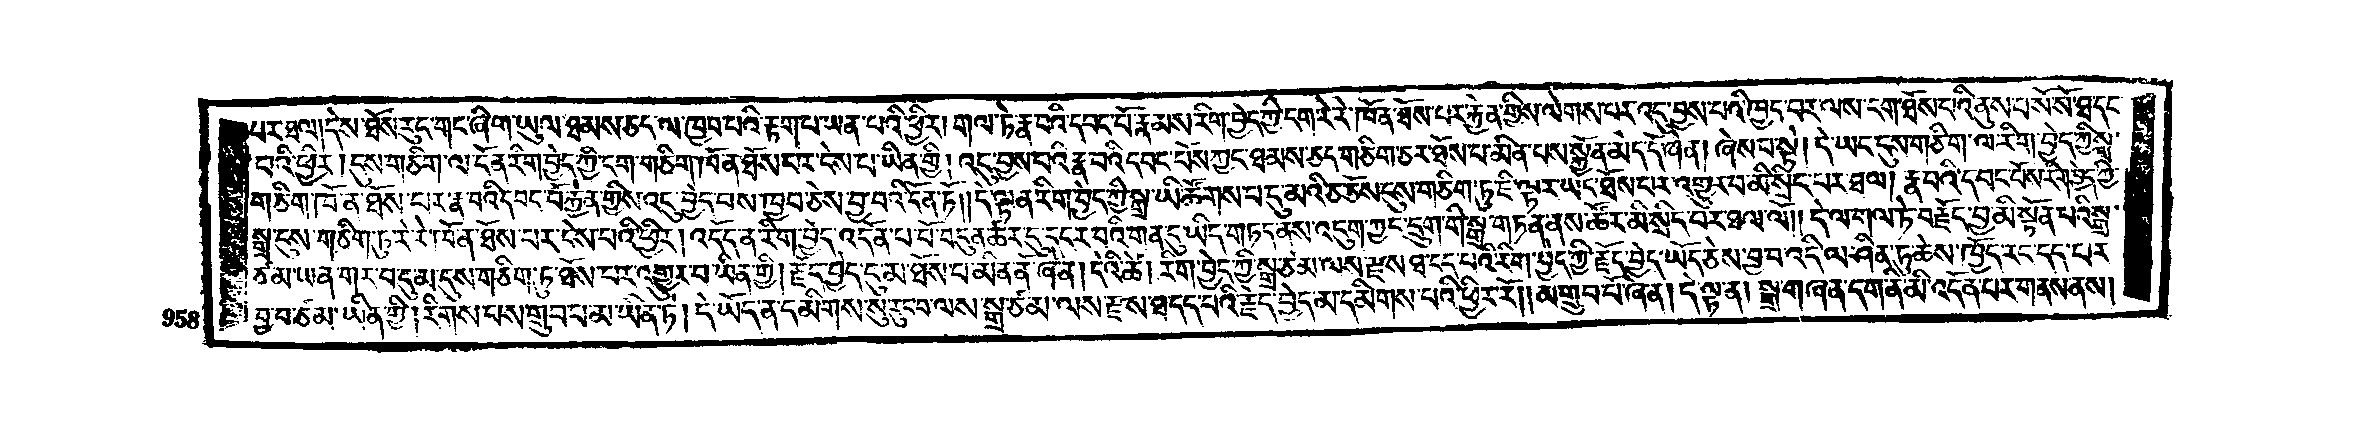པར་ཐལ། དེས་ཐོས་རུང་གང་ཞིག་ཡུལ་ཐམས་ཅད་ལ་ཁྱབ་པའི་རྟག་པ་ཡིན་པའི་ཕྱིར། གལ་ཏེ་རྣ་བའི་དབང་པོ་རྣམས་རིག་བྱེད་ཀྱི་ངག་རེ་རེ་ཁོ་ན་ཐོས་པར་རྐྱེན་གྱིས་ལེགས་པར་འདུ་བྱས་པའི་ཁྱད་པར་ལས་ངག་ཐོས་པའི་ནུས་པ་སོ་སོ་ཐ་དད་
པའི་ཕྱིར། དུས་གཅིག་ལ་དོན་རིག་བྱེད་ཀྱི་ངག་གཅིག་ཁོ་ན་ཐོས་པར་ངེས་པ་ཡིན་གྱི། འདུས་བྱས་པའི་རྣ་བའི་དབང་པོས་ཀྱང་ཐམས་ཅད་གཅིག་ཅར་ཐོས་པ་མིན་པས་སྐྱོན་མེད་དོ་ཞེ་ན། ཞེས་པ་སྟེ། དེ་ཡང་དུས་གཅིག་ལ་རིག་བྱེད་ཀྱི་སྒྲ་
གཅིག་ཁོ་ན་ཐོས་པར་རྣ་བའི་དབང་པོ་རྐྱེན་གྱིས་འདུ་བྱེད་པས་ཁྱབ་ཅེས་བྱ་བའི་དོན་ཏོ། །དེ་ལྟ་ན་རིག་བྱེད་ཀྱི་སྒྲ་ཡི་ཚོགས་པ་དུ་མའི་ཅ་ཅོས་དུས་གཅིག་ཏུ་ཇི་ལྟར་ཡང་ཐོས་པར་འགྱུར་པ་མི་སྲིད་པར་ཐལ། རྣ་བའི་དབང་པོས་རིག་བྱེད་ཀྱི་
སྒྲ་དུས་གཅིག་ཏུ་རེ་རེ་ཁོ་ན་ཐོས་པར་ངེས་པའི་ཕྱིར། འདོད་ན་རིག་བྱེད་འདོན་པ་པོ་བདུན་ཚར་དུ་དངར་བའི་གན་དུ་ཡིད་གཏད་ནས་འདུག་ཀྱང་དྲུག་གི་སྒྲ་གཏན་ནས་ཚོར་མི་སྲིད་པར་ཐལ་ལོ། །དེ་ལ་གལ་ཏེ་བརྗོད་བྱ་མི་སྟོན་པའི་སྒྲ་
ཙམ་ཡན་གར་བ་དུ་མ་དུས་གཅིག་ཏུ་ཐོས་པར་འགྱུར་བ་ཡིན་གྱི། རྗོད་བྱེད་དུ་མ་ཐོས་པ་མིན་ནོ་ཞེ་ན། དེའི་ཚེ། རིག་བྱེད་ཀྱི་སྒྲ་ཙམ་ལས་རྫས་ཐ་དད་པའི་རིག་བྱེད་ཀྱི་རྗོད་བྱེད་ཡོད་ཅེས་བྱ་བ་འདི་ལ་ཤིན་ཏུ་ཆེས་ཁྱོད་རང་དད་པར་
བྱ་བ་ཙམ་ཡིན་གྱི། རིགས་པས་གྲུབ་པ་མ་ཡིན་ཏེ། དེ་ཡོད་ན་དམིགས་སུ་རུང་བ་ལས་སྒྲ་ཙམ་ལས་རྫས་ཐ་དད་པའི་རྗོད་བྱེད་མ་དམིགས་པའི་ཕྱིར་རོ། །མ་གྲུབ་པོ་ཞེ་ན། དེ་ལྟ་ན། སྒྲ་གཞན་དག་ནི་མི་འདོན་པར་གནས་ནས།